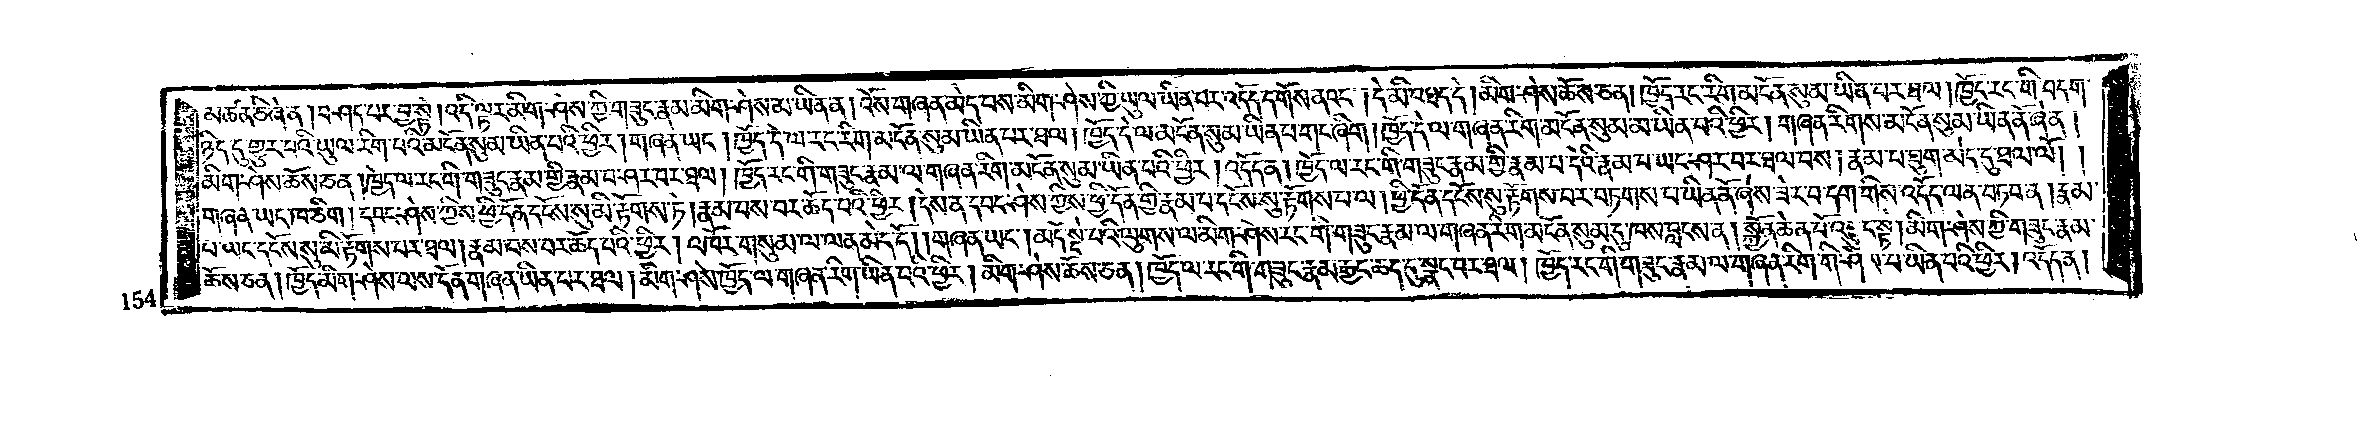མཚན་ཅི་ཞེ་ན། བཤད་པར་བྱ་སྟེ། འདི་ལྟར་མིག་ཤེས་ཀྱི་གཟུང་རྣམ་མིག་ཤེས་མ་ཡིན་ན། འོས་གཞན་མེད་པས་མིག་ཤེས་ཀྱི་ཡུལ་ཡིན་པར་འདོད་དགོས་ནའང་། དེ་མི་འཐད་དེ། མིག་ཤེས་ཆོས་ཅན། ཁྱོད་རང་རིག་མངོན་སུམ་ཡིན་པར་ཐལ། ཁྱོད་རང་གི་བདག་
ཉིད་དུ་གྱུར་པའི་ཡུལ་རིག་པའི་མངོན་སུམ་ཡིན་པའི་ཕྱིར། གཞན་ཡང་། ཁྱོད་དེ་ལ་རང་རིག་མངོན་སུམ་ཡིན་པར་ཐལ། ཁྱོད་དེ་ལ་མངོན་སུམ་ཡིན་པ་གང་ཞིག །ཁྱོད་དེ་ལ་གཞན་རིག་མངོན་སུམ་མ་ཡིན་པའི་ཕྱིར། གཞན་རིགས་མངོན་སུམ་ཡིན་ནོ་ཞེ་ན།
མིག་ཤེས་ཆོས་ཅན། ཁྱོད་ལ་རང་གི་གཟུང་རྣམ་གྱི་རྣམ་པ་ཤར་བར་ཐལ། ཁྱོད་རང་གི་གཟུང་རྣམ་ལ་གཞན་རིག་མངོན་སུམ་ཡིན་པའི་ཕྱིར། འདོད་ན། ཁྱོད་ལ་རང་གི་གཟུང་རྣམ་གྱི་རྣམ་པ་དེའི་རྣམ་པ་ཡང་ཤར་བར་ཐལ་བས། རྣམ་པ་ཐུག་མེད་དུ་ཐལ་ལོ། །
གཞན་ཡང་ཁ་ཅིག །དབང་ཤེས་ཀྱིས་ཕྱི་དོན་དངོས་སུ་མི་རྟོགས་ཏེ། རྣམ་པས་བར་ཆོད་པའི་ཕྱིར། དེས་ན་དབང་ཤེས་ཀྱིས་ཕྱི་དོན་གྱི་རྣམ་པ་དངོས་སུ་རྟོགས་པ་ལ། ཕྱི་དོན་དངོས་སུ་རྟོགས་པར་བཏགས་པ་ཡིན་ནོ་ཞེས་ཟེར་བ་དག་གིས་འདོད་ལན་བཏབ་ན། རྣམ་
པ་ཡང་དངོས་སུ་མི་རྟོགས་པར་ཐལ། རྣམ་པས་བར་ཆོད་པའི་ཕྱིར། འཁོར་གསུམ་ལ་ལན་མེད་དོ། །གཞན་ཡང་། མདོ་སྡེ་པའི་ལུགས་ལ་མིག་ཤེས་རང་གི་གཟུང་རྣམ་ལ་གཞན་རིག་མངོན་སུམ་དུ་ཁས་བླངས་ན། སྐྱོན་ཆེན་པོ་འབྱུང་སྟེ། མིག་ཤེས་ཀྱི་གཟུང་རྣམ་
ཆོས་ཅན། ཁྱོད་མིག་ཤེས་ལས་དོན་གཞན་ཡིན་པར་ཐལ། མིག་ཤེས་ཁྱོད་ལ་གཞན་རིག་ཡིན་པའི་ཕྱིར། མིག་ཤེས་ཆོས་ཅན། ཁྱོད་ལ་རང་གི་གཟུང་རྣམ་རྒྱང་ཆད་དུ་སྣང་བར་ཐལ། ཁྱོད་རང་གི་གཟུང་རྣམ་ལ་གཞན་རིག་གི་ཤེས་པ་ཡིན་པའི་ཕྱིར། འདོད་ན།